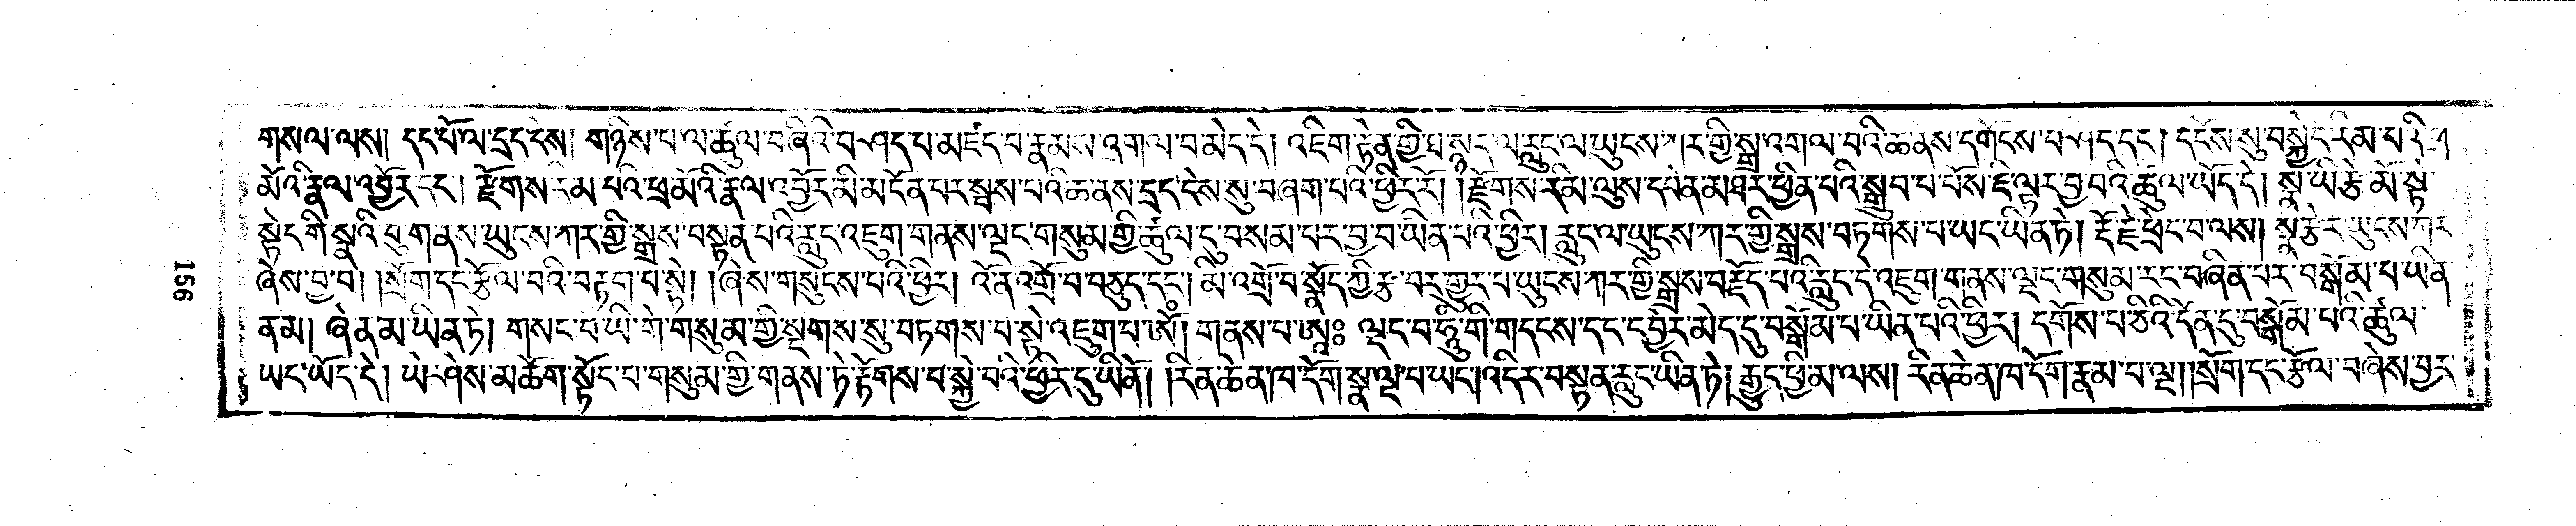གསལ་ལས། དང་པོ་ལ་དྲང་ངེས། གཉིས་པ་ལ་ཚུལ་བཞིའི་བཤད་པ་མཛད་པ་རྣམས་འགལ་བ་མེད་དེ། འཇིག་རྟེན་གྱི་ཐ་སྙད་ལ་རླུང་ལ་ཡུངས་ཀར་གྱི་སྒྲ་འགལ་བའི་ཆ་ནས་དགོངས་བཤད་དང་། དངོས་སུ་བསྐྱེད་རིམ་པའི་ཕྲ་
མོའི་རྣལ་འབྱོར་དང་། རྫོགས་རིམ་པའི་ཕྲ་མོའི་རྣལ་འབྱོར་མི་མངོན་པར་སྦས་པའི་ཆ་ནས་དྲང་ངེས་སུ་བཞག་པའི་ཕྱིར་རོ། །རྫོགས་རིམ་ལུས་དབེན་མཐར་ཕྱིན་པའི་སྒྲུབ་པ་པོས་ཇི་ལྟར་བྱ་བའི་ཚུལ་ཡོད་དེ། སྣ་ཡི་རྩེ་མོ་སྟེ་
སྟེང་གི་སྣའི་བུ་ག་ནས་ཡུངས་ཀར་གྱི་སྒྲས་བསྟན་པའི་རླུང་འཇུག་གནས་ལྡང་གསུམ་གྱི་ཚུལ་དུ་བསམ་པར་བྱ་བ་ཡིན་པའི་ཕྱིར། རླུང་ལ་ཡུངས་ཀར་གྱི་སྒྲས་བཏགས་པ་ཡང་ཡིན་ཏེ། རྡོ་རྗེ་ཕྲེང་བ་ལས། སྣ་རྩེར་ཡུངས་ཀར་
ཞེས་བྱ་བ། །སྲོག་དང་རྩོལ་བའི་བརྟག་པ་སྟེ། །ཞེས་གསུངས་པའི་ཕྱིར། འོ་ན་འགྲོ་བ་བཅུད་དང་། མི་འགྲོ་བ་སྣོད་ཀྱི་རྩ་བར་གྱུར་པ་ཡུངས་ཀར་གྱི་སྒྲས་བརྗོད་པའི་རླུང་དེ་འཇུག་གནས་ལྡང་གསུམ་རང་བཞིན་པར་བསྒོམ་པ་ཡིན་
ནམ། ཞེ་ན་མ་ཡིན་ཏེ། གསང་བ་ཡི་གེ་གསུམ་གྱི་སྔགས་སུ་བཏགས་པ་སྟེ་འཇུག་པ་ཨོཾ། གནས་པ་ཨཱཿ ལྡང་བ་ཧཱུཾ་གི་གདངས་དང་དབྱེར་མེད་དུ་བསྒོམ་པ་ཡིན་པའི་ཕྱིར། དགོས་པ་ཅིའི་དོན་དུ་བསྒོམ་པའི་ཚུལ་
ཡང་ཡོད་དེ། ཡེ་ཤེས་མཆོག་སྟོང་བ་གསུམ་གྱི་གནས་ཏེ་རྟོགས་པ་སྐྱེ་བའི་ཕྱིར་དུ་ཡིན་ནོ། །རིན་ཆེན་ཁ་དོག་སྣ་ལྔ་པ་ཡང་། འདིར་བསྟན་རླུང་ཡིན་ཏེ། རྒྱུད་ཕྱི་མ་ལས། རིན་ཆེན་ཁ་དོག་རྣམ་པ་ལྔ། །སྲོག་དང་རྩོལ་བཞེས་བྱར་